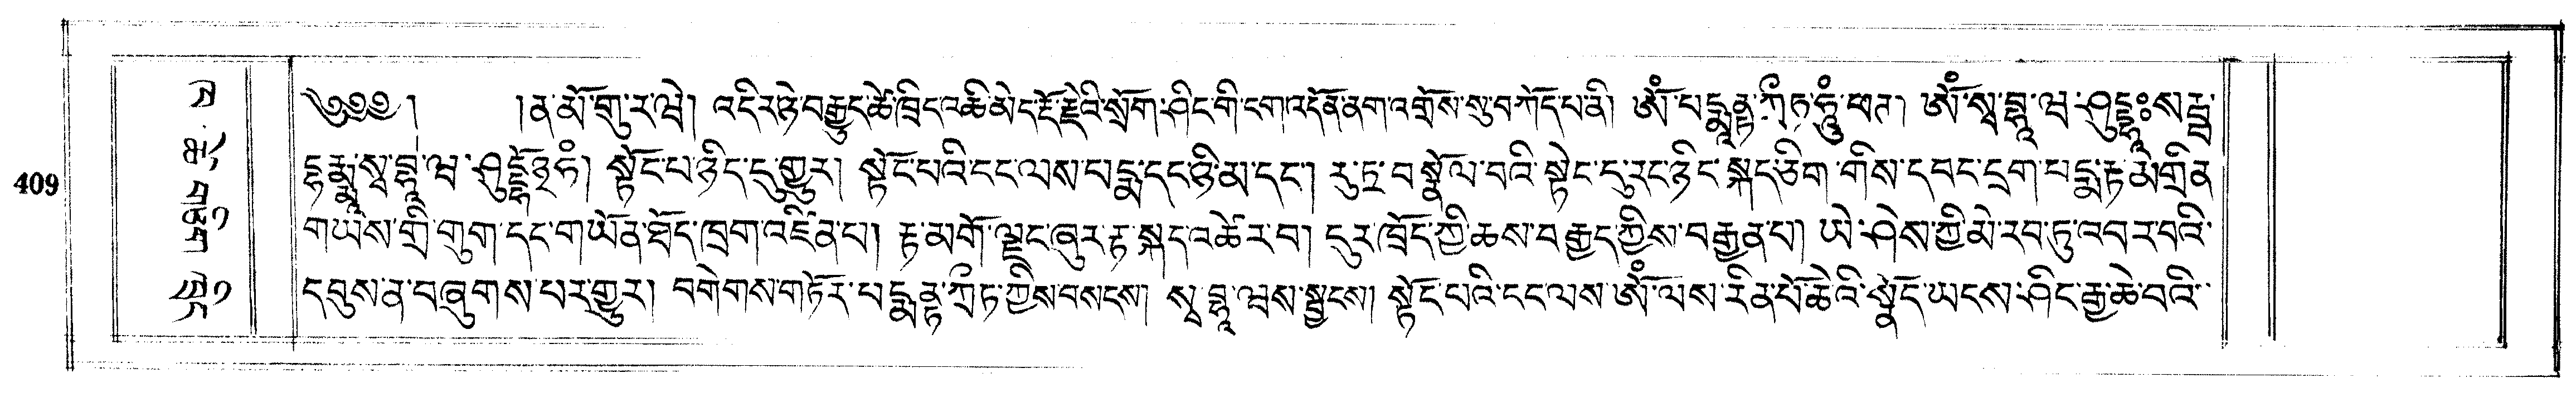༄༅༅། །ན་མོ་གུ་ར་ཝེ། འདིར་ཉེ་བརྒྱུད་ཚེ་ཁྲིད་འཆི་མེད་རྡོ་རྗེའི་སྲོག་ཤིང་གི་ངག་འདོན་ནག་འགྲོས་སུ་བཀོད་པ་ནི། ཨོཾ་པདམཱནྟ་ཀྲྀ་ཏ་ཧཱུཾ་ཕཊ། ཨོཾ་སྭ་བྷཱ་ཝ་ཤུདྡྷཱཿ སརྦྦ་
དྷརྨྨཱ་སྭ་བྷཱ་ཝ་ཤུདྡྷོཉྲཧཾ། སྟོང་པ་ཉིད་དུ་གྱུར། སྟོང་པའི་ངང་ལས་པདམ་དང་ཉི་མ་དང་། རུ་ཏྲ་བསྣོལ་བའི་སྟེང་དུ་རང་ཉིད་སྐད་ཅིག་གིས་དབང་དྲག་པདམ་རྟ་མགྲིན་
གཡས་གྲི་གུག་དང་གཡོན་ཐོད་ཁྲག་འཛིན་པ། རྟ་མགོ་ལྗང་ཞུར་རྟ་སྐད་འཚེར་བ། དུར་ཁྲོད་ཀྱི་ཆས་བརྒྱད་ཀྱིས་བརྒྱན་པ། ཡེ་ཤེས་ཀྱི་མེ་རབ་ཏུ་འབར་བའི་
དབུས་ན་བཞུགས་པར་གྱུར། བགེགས་གཏོར་པདམནྟ་ཀྲྀ་ཏ་ཀྱིས་བསངས། སྭ་བྷཱ་ཝས་སྦྱངས། སྟོང་པའི་ངང་ལས་ཨོཾ་ལས་རིན་པོ་ཆེའི་སྣོད་ཡངས་ཤིང་རྒྱ་ཆེ་བའི་